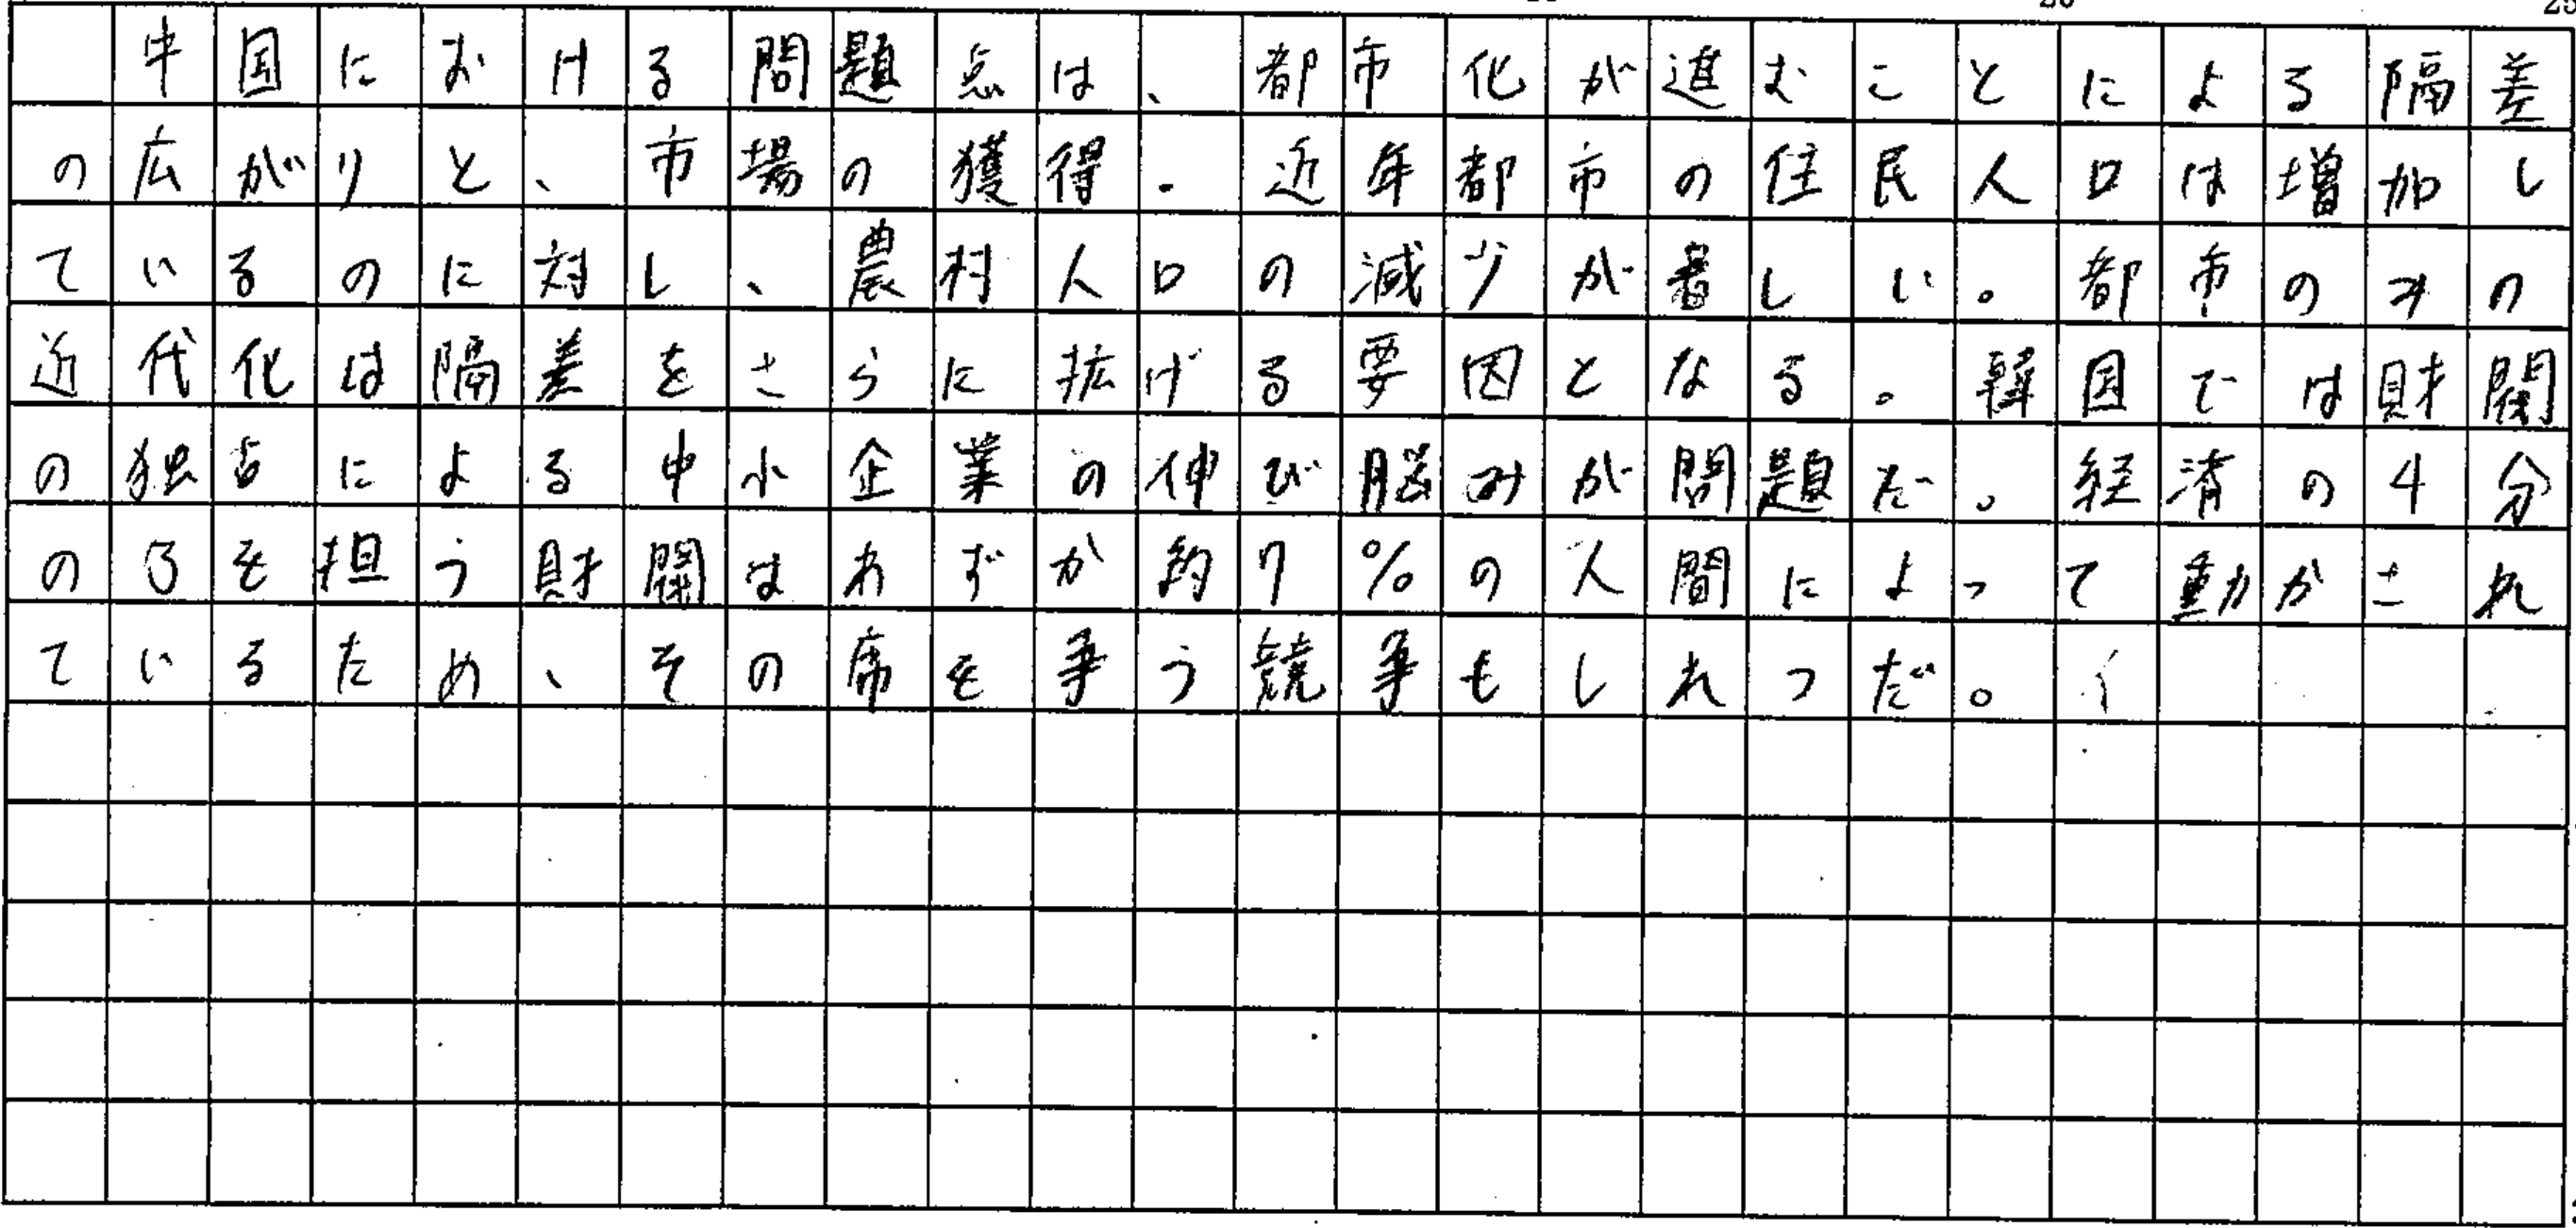　中国における問題点は、都市化が進むことによる隔差の広がりと、市場の獲得。近年都市の住民人口は増加しているのに対し、農村人口の減少が著しい。都市のみの近代化は隔差をさらに拡げる要因となる。韓国では財閥の独占による中小企業の伸び脳みが問題だ。経済の４分の３を担う財閥はわずか約７％の人間によって動かされているため、その席を争う競争もしれつだ。
